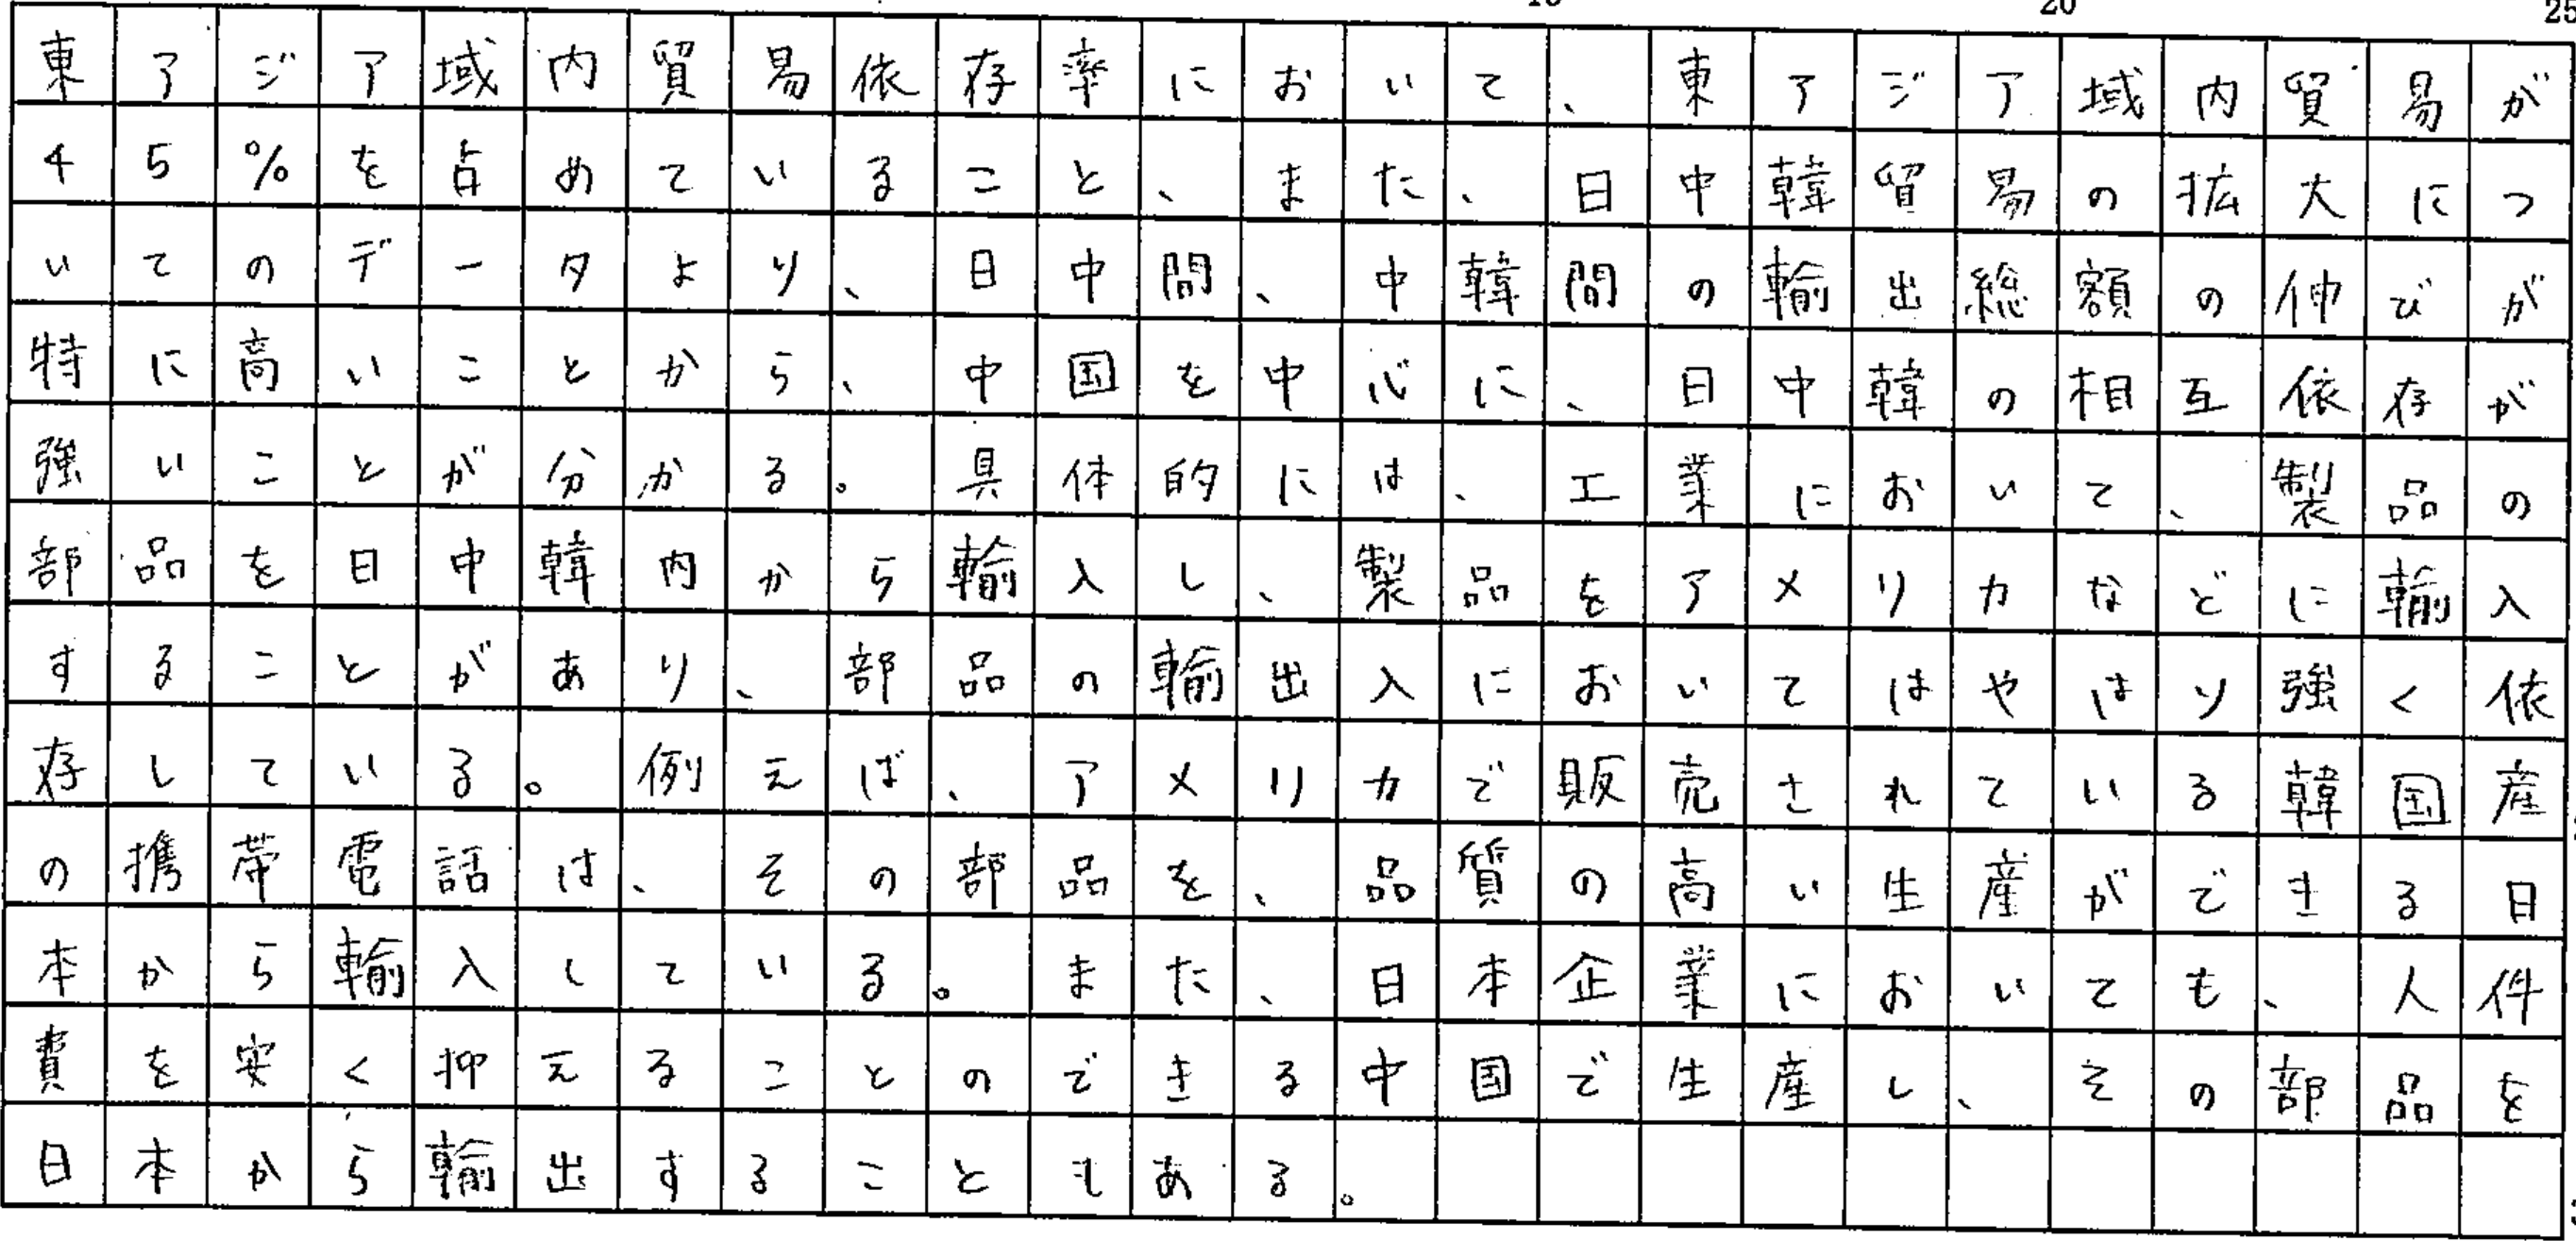東アジア域内貿易依存率において、東アジア域内貿易が４５％を占めていること、また、日中韓貿易の拡大についてのデータより、日中間、中韓間の輸出総額の伸びが特に高いことから、中国を中心に、日中韓の相互依存が強いことが分かる。具体的には、工業において、製品の部品を日中韓内から輸入し、製品をアメリカなどに輸入することがあり、部品の輸出入においてはやはり強く依存している。例えば、アメリカで販売されている韓国産の携帯電話は、その部品を、品質の高い生産ができる日本から輸入している。また、日本企業においても、人件費を安く抑えることのできる中国で生産し、その部品を日本から輸出することもある。
